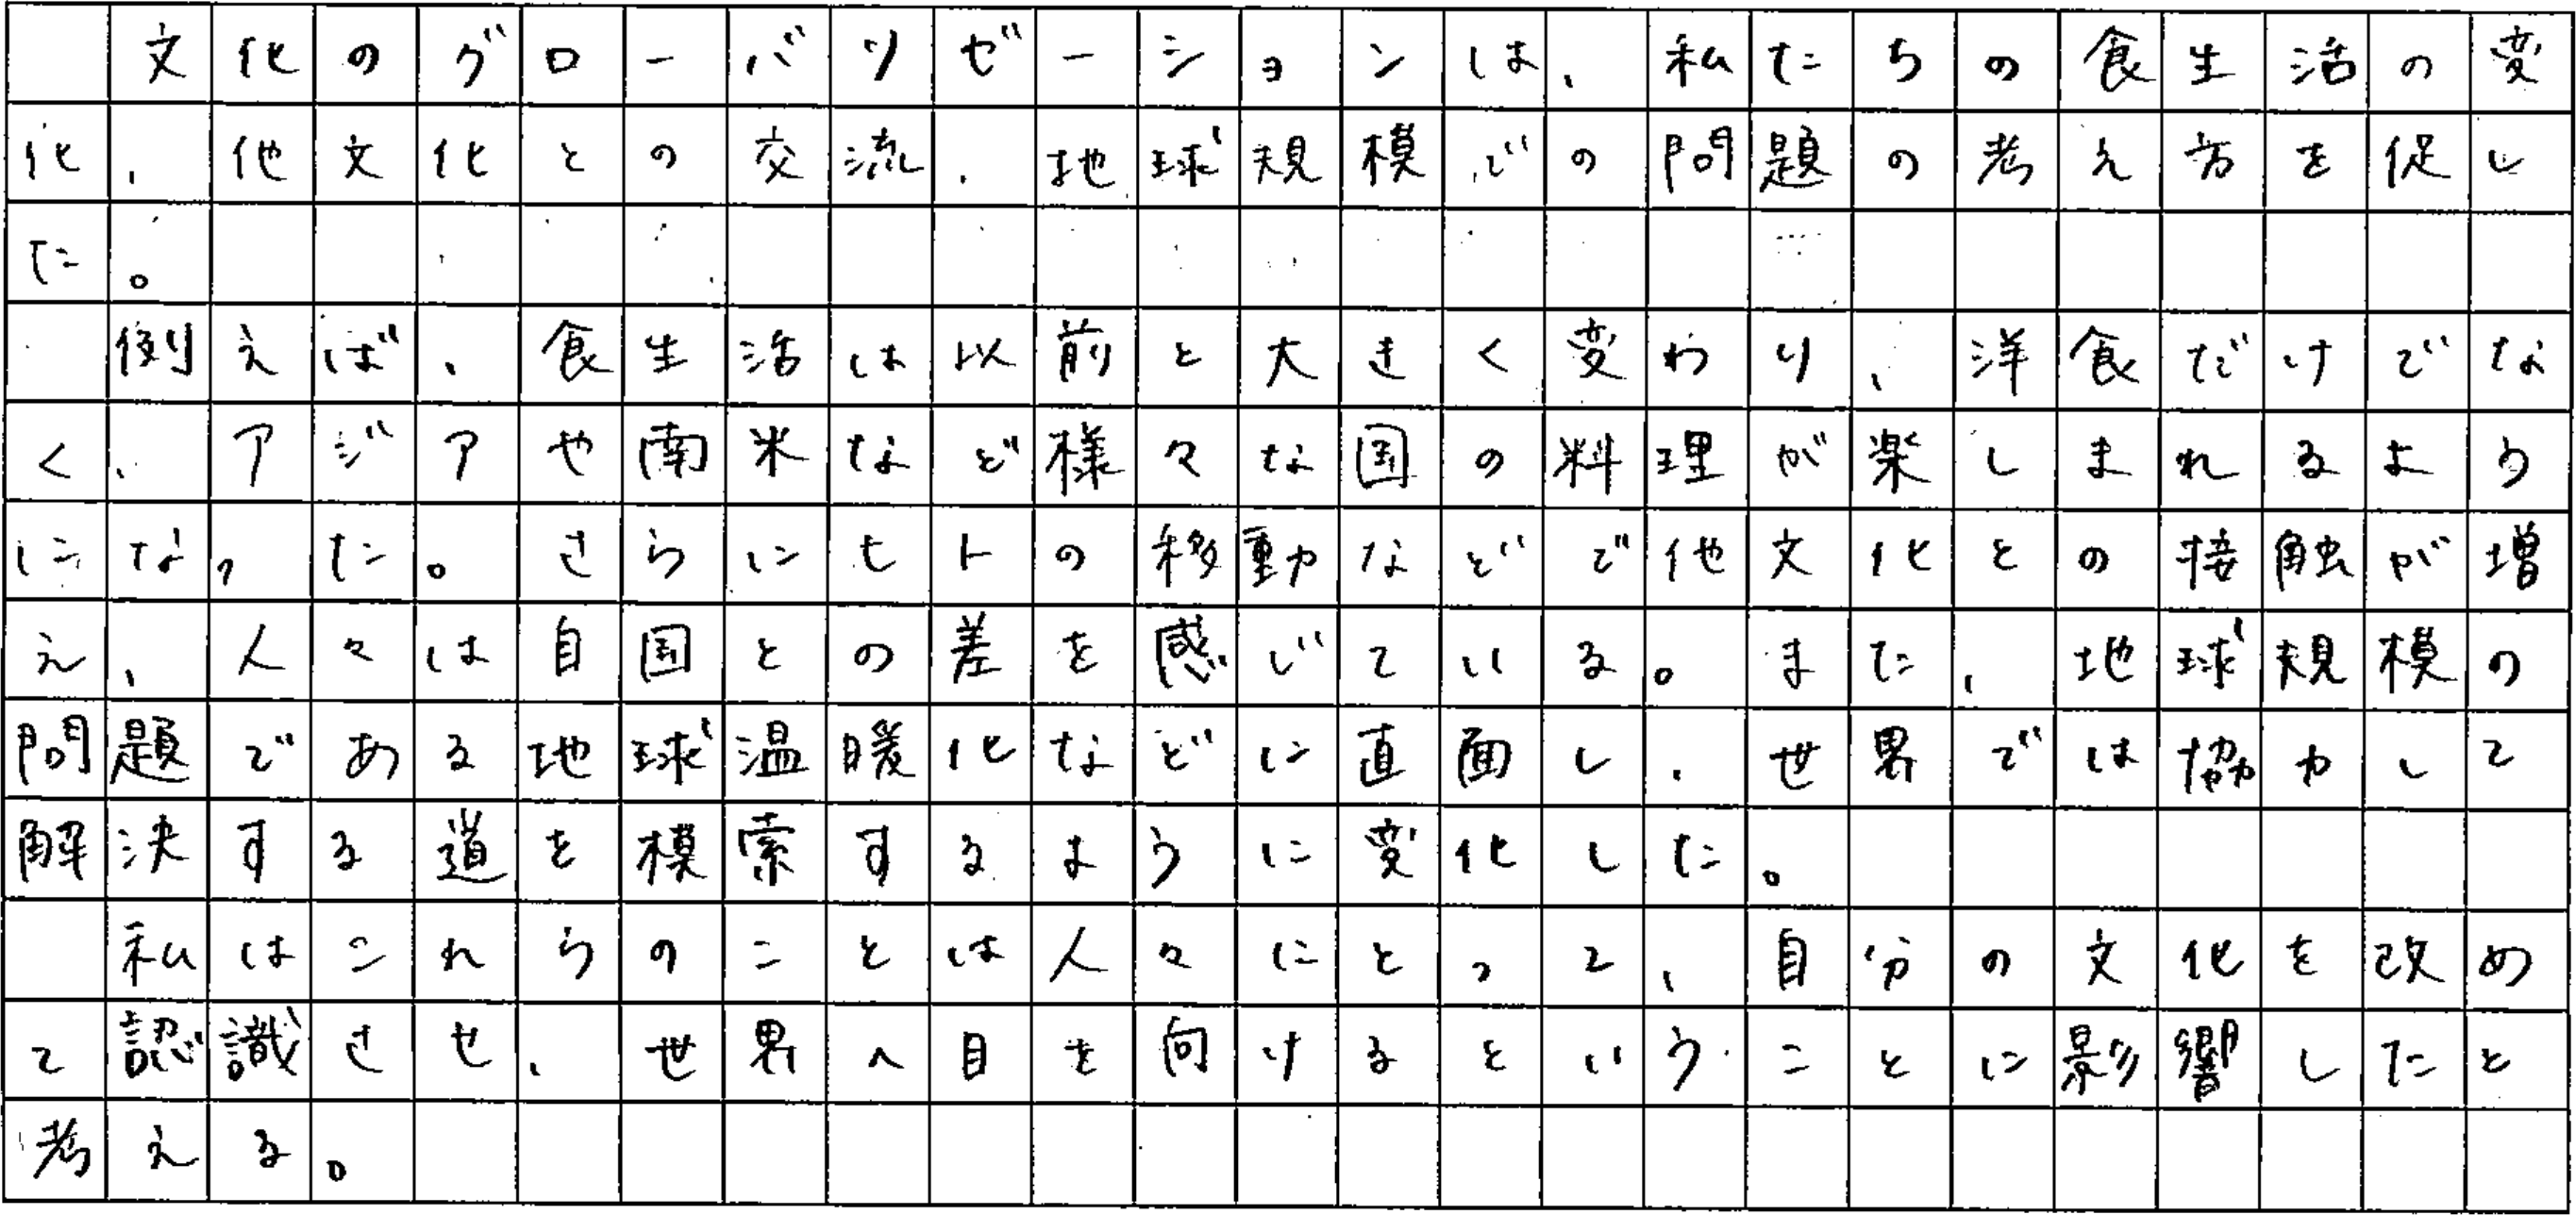　文化のグローバリゼーションは、私たちの食生活の変化、他文化との交流、地球規模での問題の考え方を促した。
　例えば、食生活は以前と大きく変わり、洋食だけでなく、アジアや南米など様々な国の料理が楽しまれるようになった。さらにヒトの移動などで他文化との接触が増え、人々は自国との差を感じている。また、地球規模の問題である地球温暖化などに直面し、世界では協力して解決する道を模索するように変化した。
　私はこれらのことは人々にとって、自分の文化を改めて認識させ、世界へ目を向けるということに影響したと考える。
